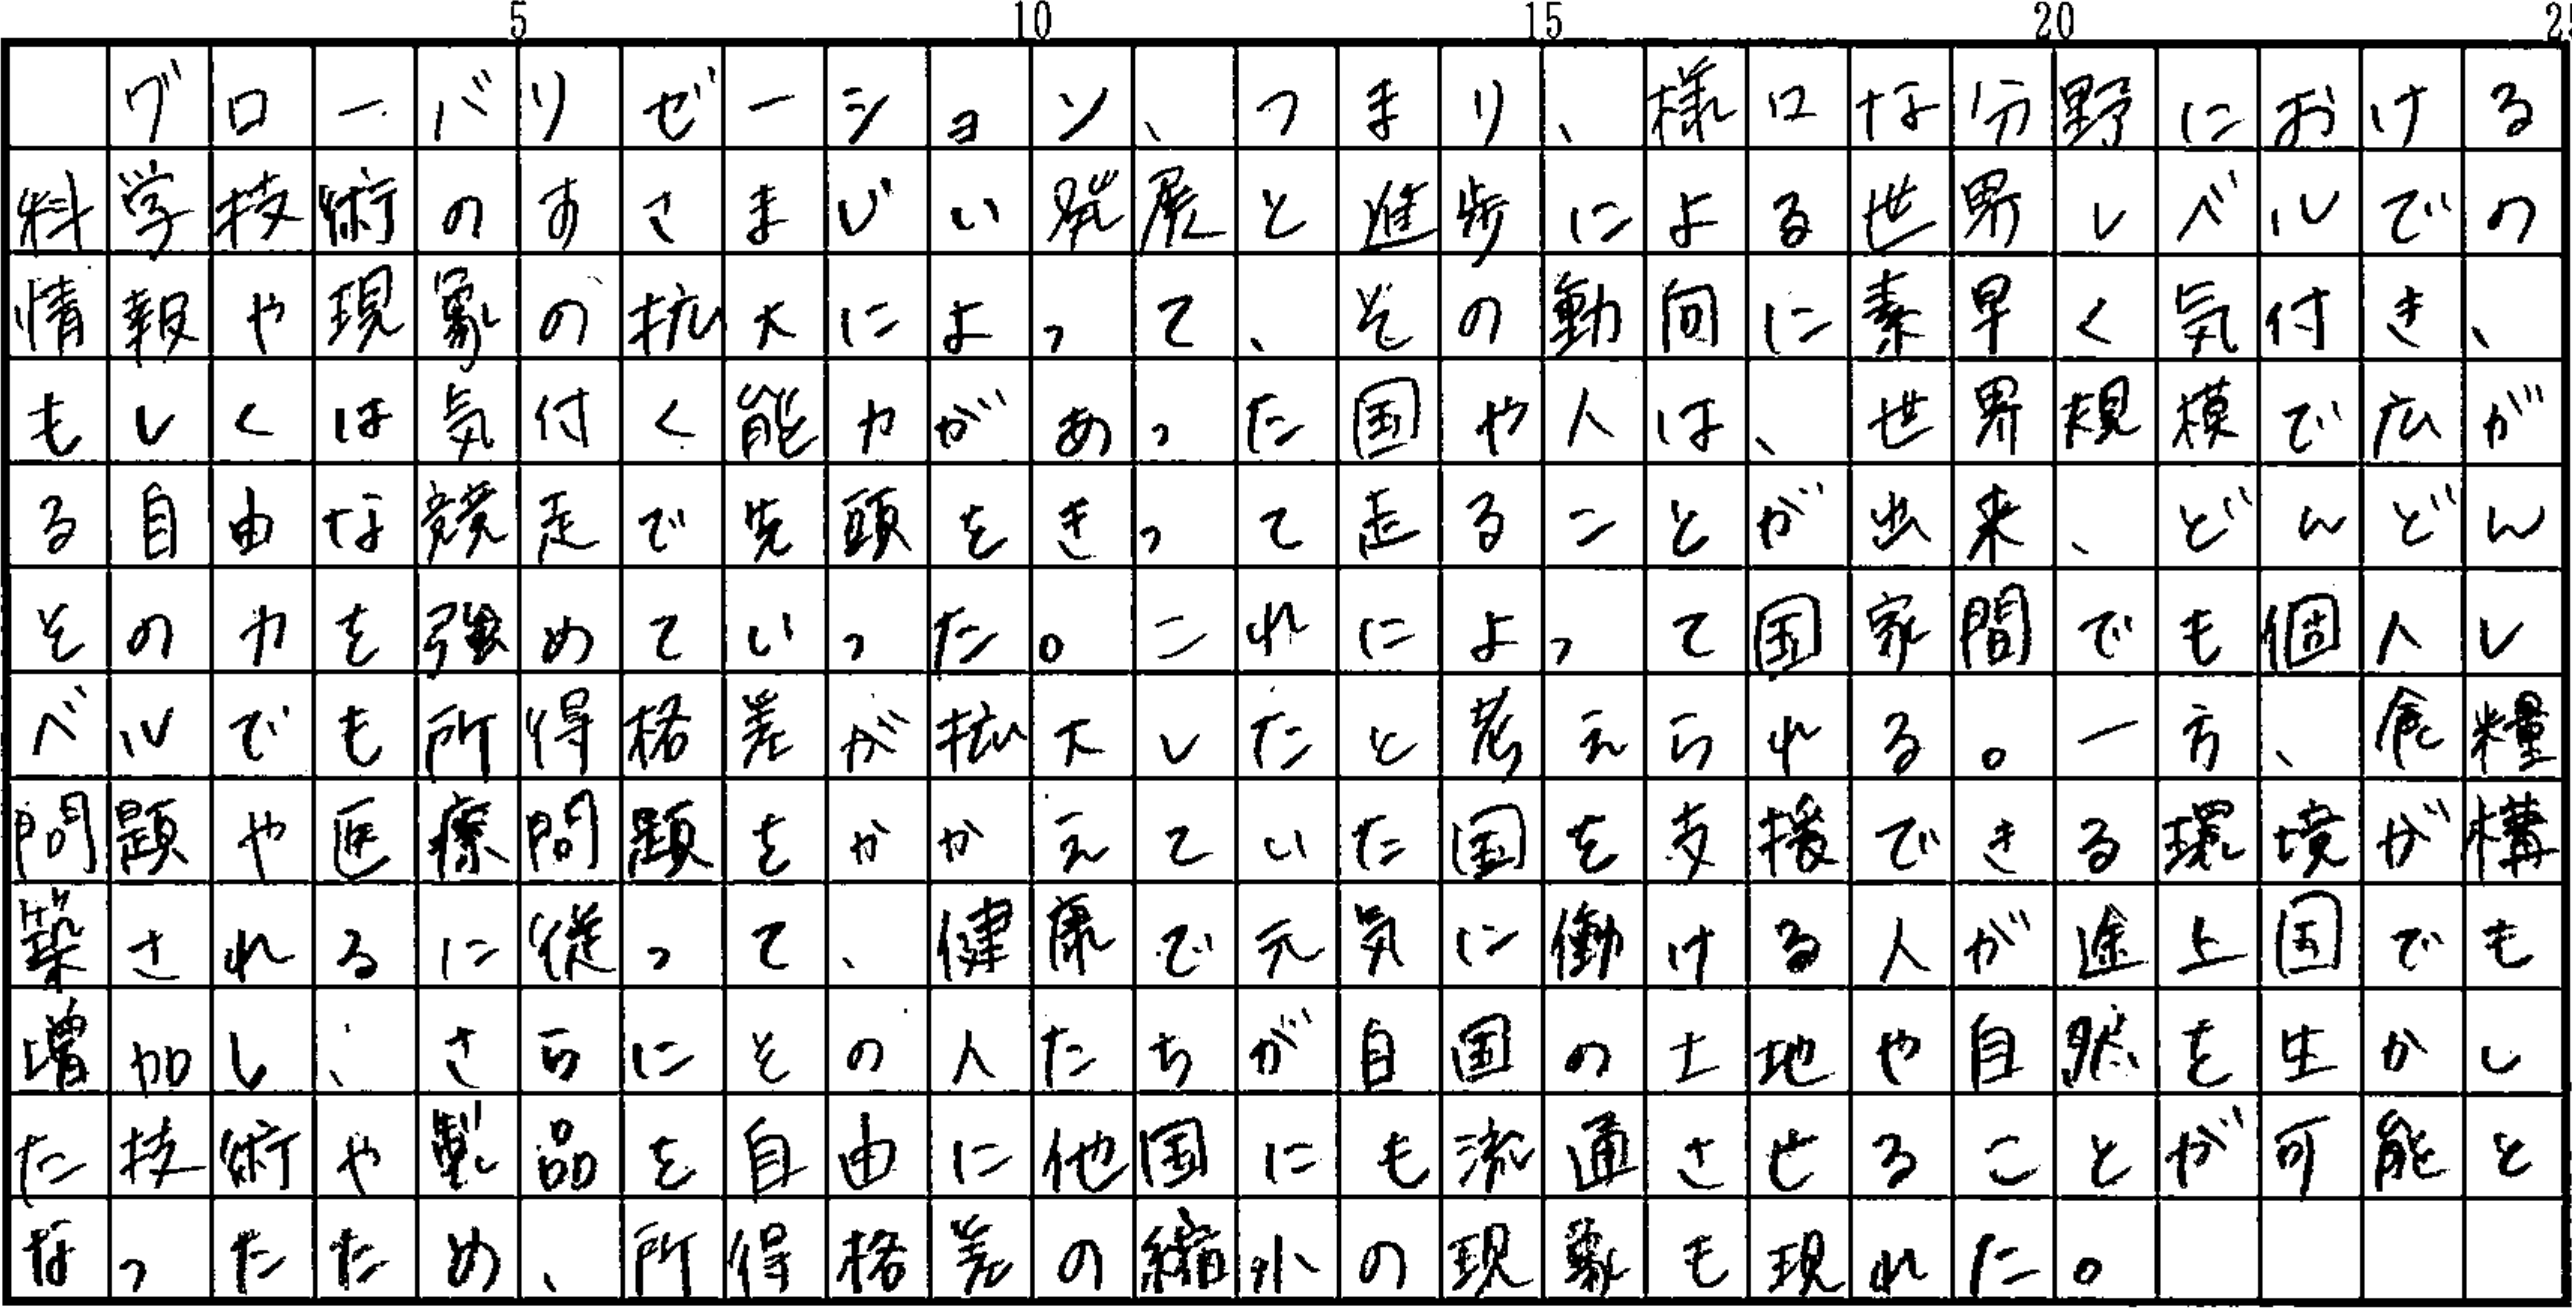  グローバリゼーション、つまり、様々な分野における科学技術のすさまじい発展と進歩による世界レベルでの情報や現象の拡大によって、その動向に素早く気付き、もしくは気付く能力があった国や人は、世界規模で広がる自由な競走で先頭をきって走ることが出来、どんどんその力を強めていった。これによって国家間でも個人レベルでも所得格差が拡大したと考えられる。一方、食糧問題や医療問題をかかえていた国を支援できる環境が構築されるに従って、健康で元気に働ける人が途上国でも増加し、さらにその人たちが自国の土地や自然を生かした技術や製品を自由に他国にも流通させることが可能となったため、所得格差の縮小の現象も現れた。
